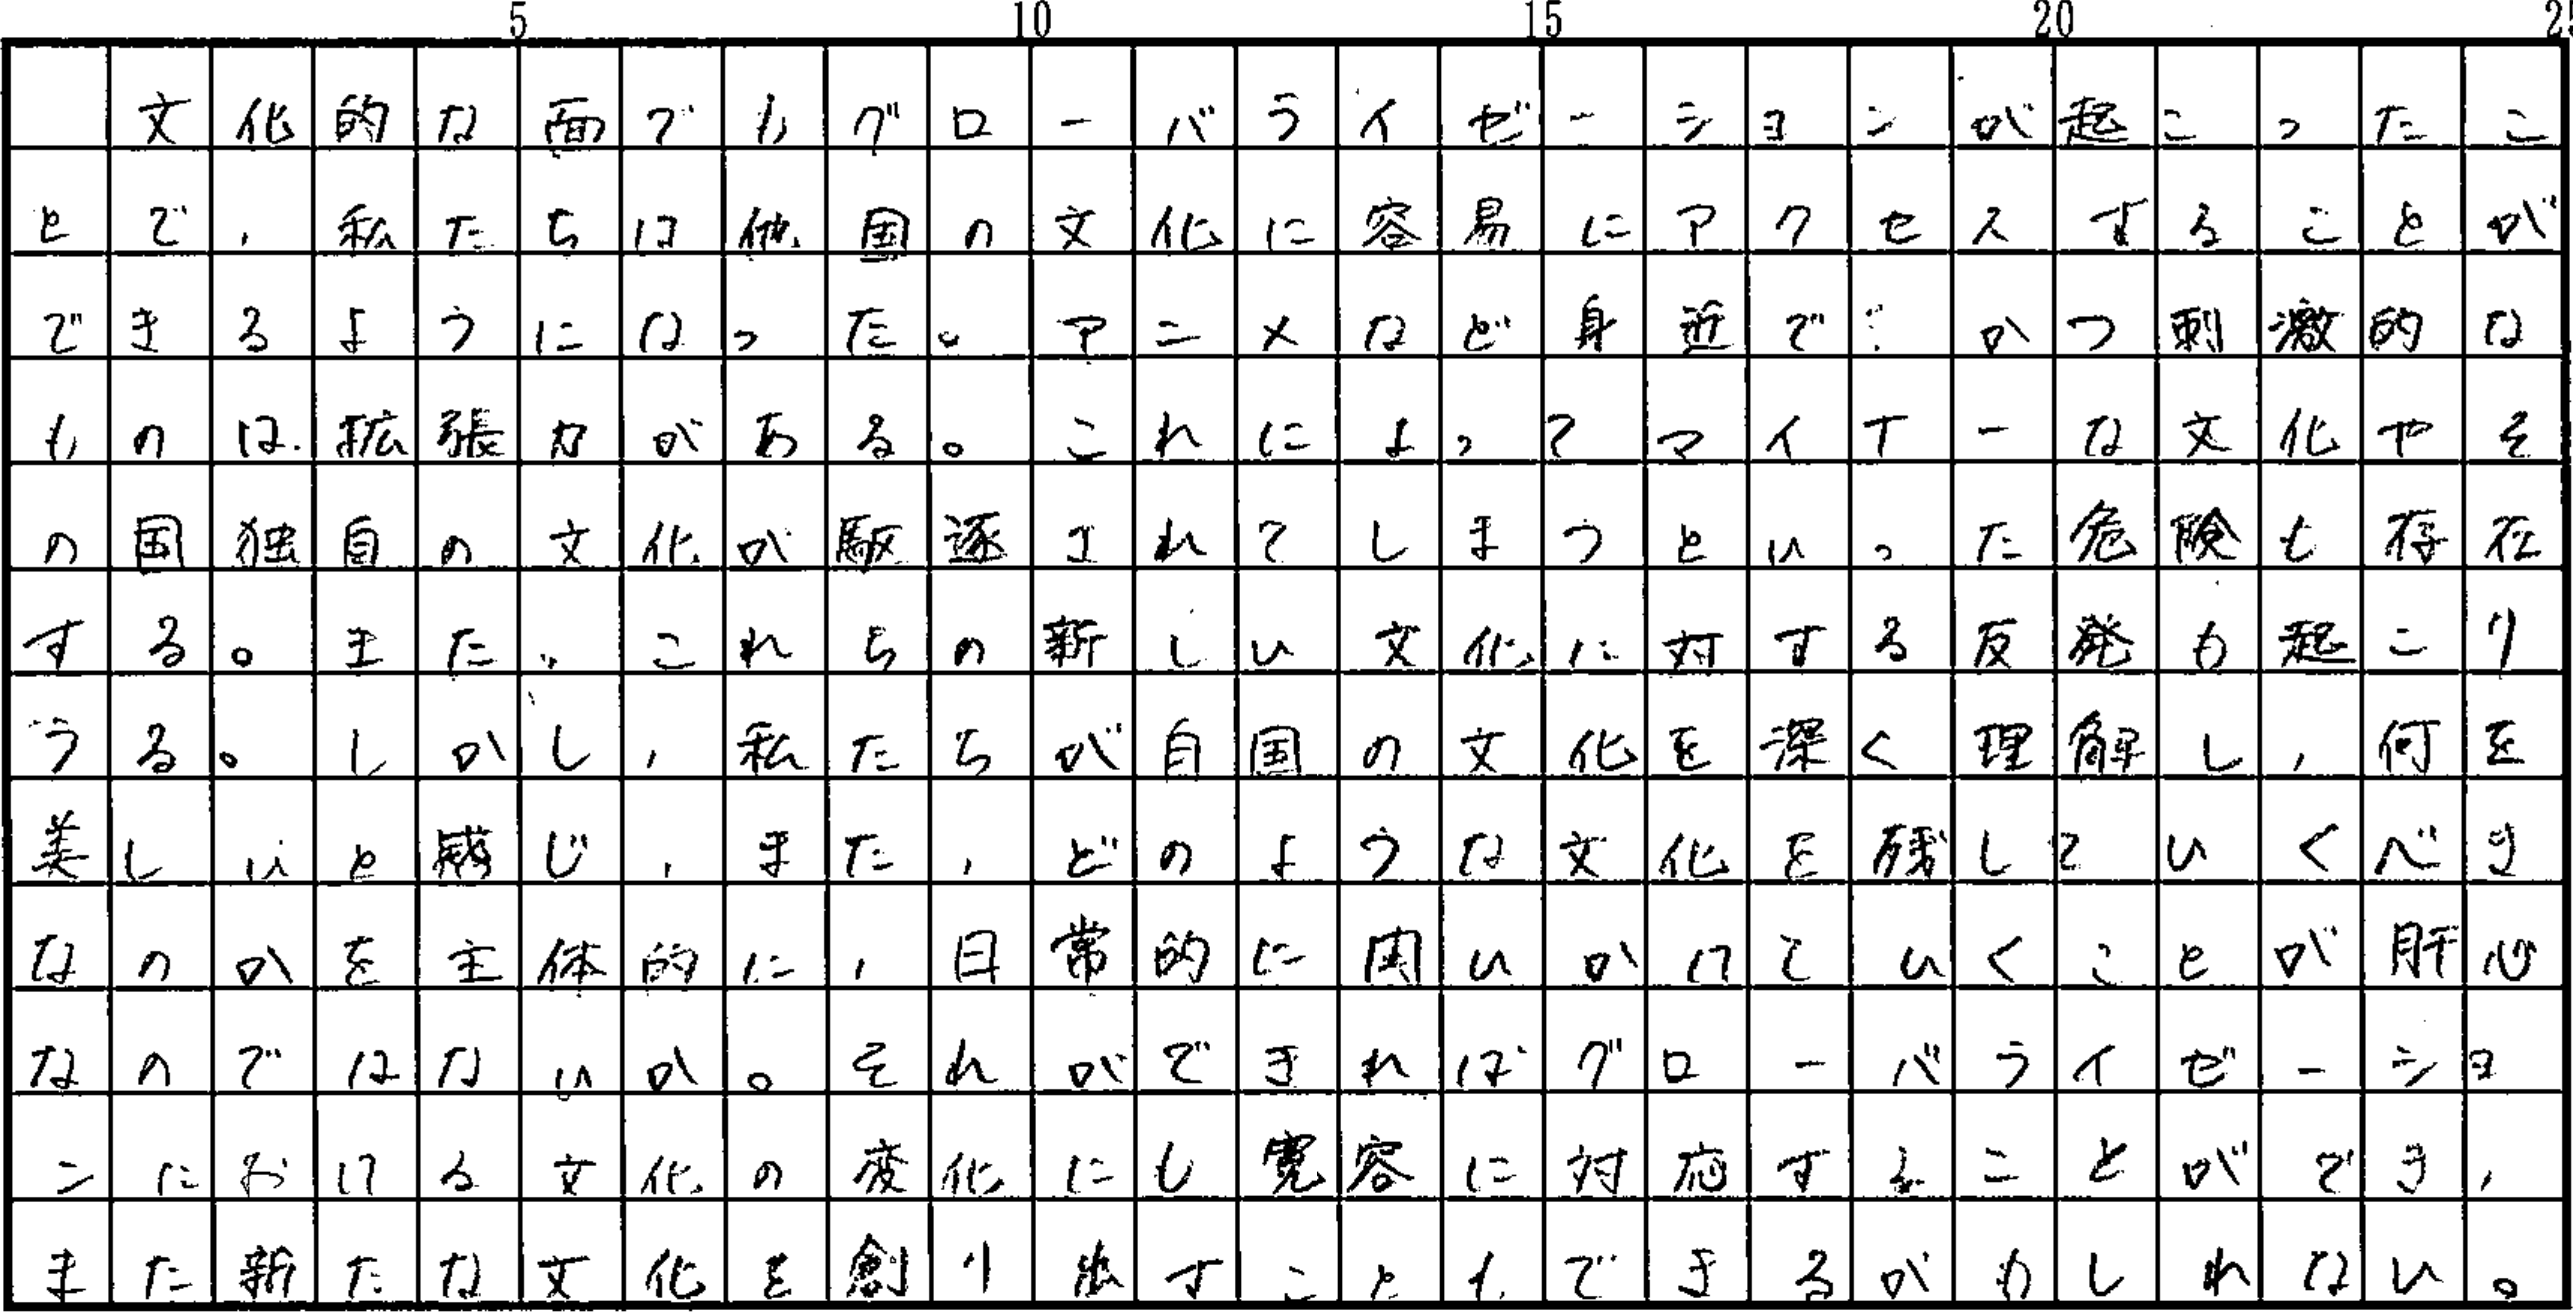　文化的な面でもグローバライゼーションが起こったことで、私たちは他国の文化に容易にアクセスすることができるようになった。アニメなど身近で、かつ刺激的なものは拡張力がある。これによってマイナーな文化やその国独自の文化が駆逐されてしまうといった危険も存在する。また、これらの新しい文化に対する反発も起こりうる。しかし、私たちが自国の文化を深く理解し、何を美しいと感じ、また、どのような文化を残していくべきなのかを主体的に、日常的に問いかけていくことが肝心なのではないか。それができればグローバライゼーションにおける文化の変化にも寛容に対応することができ、また新たな文化を創り出すこともできるかもしれない。
